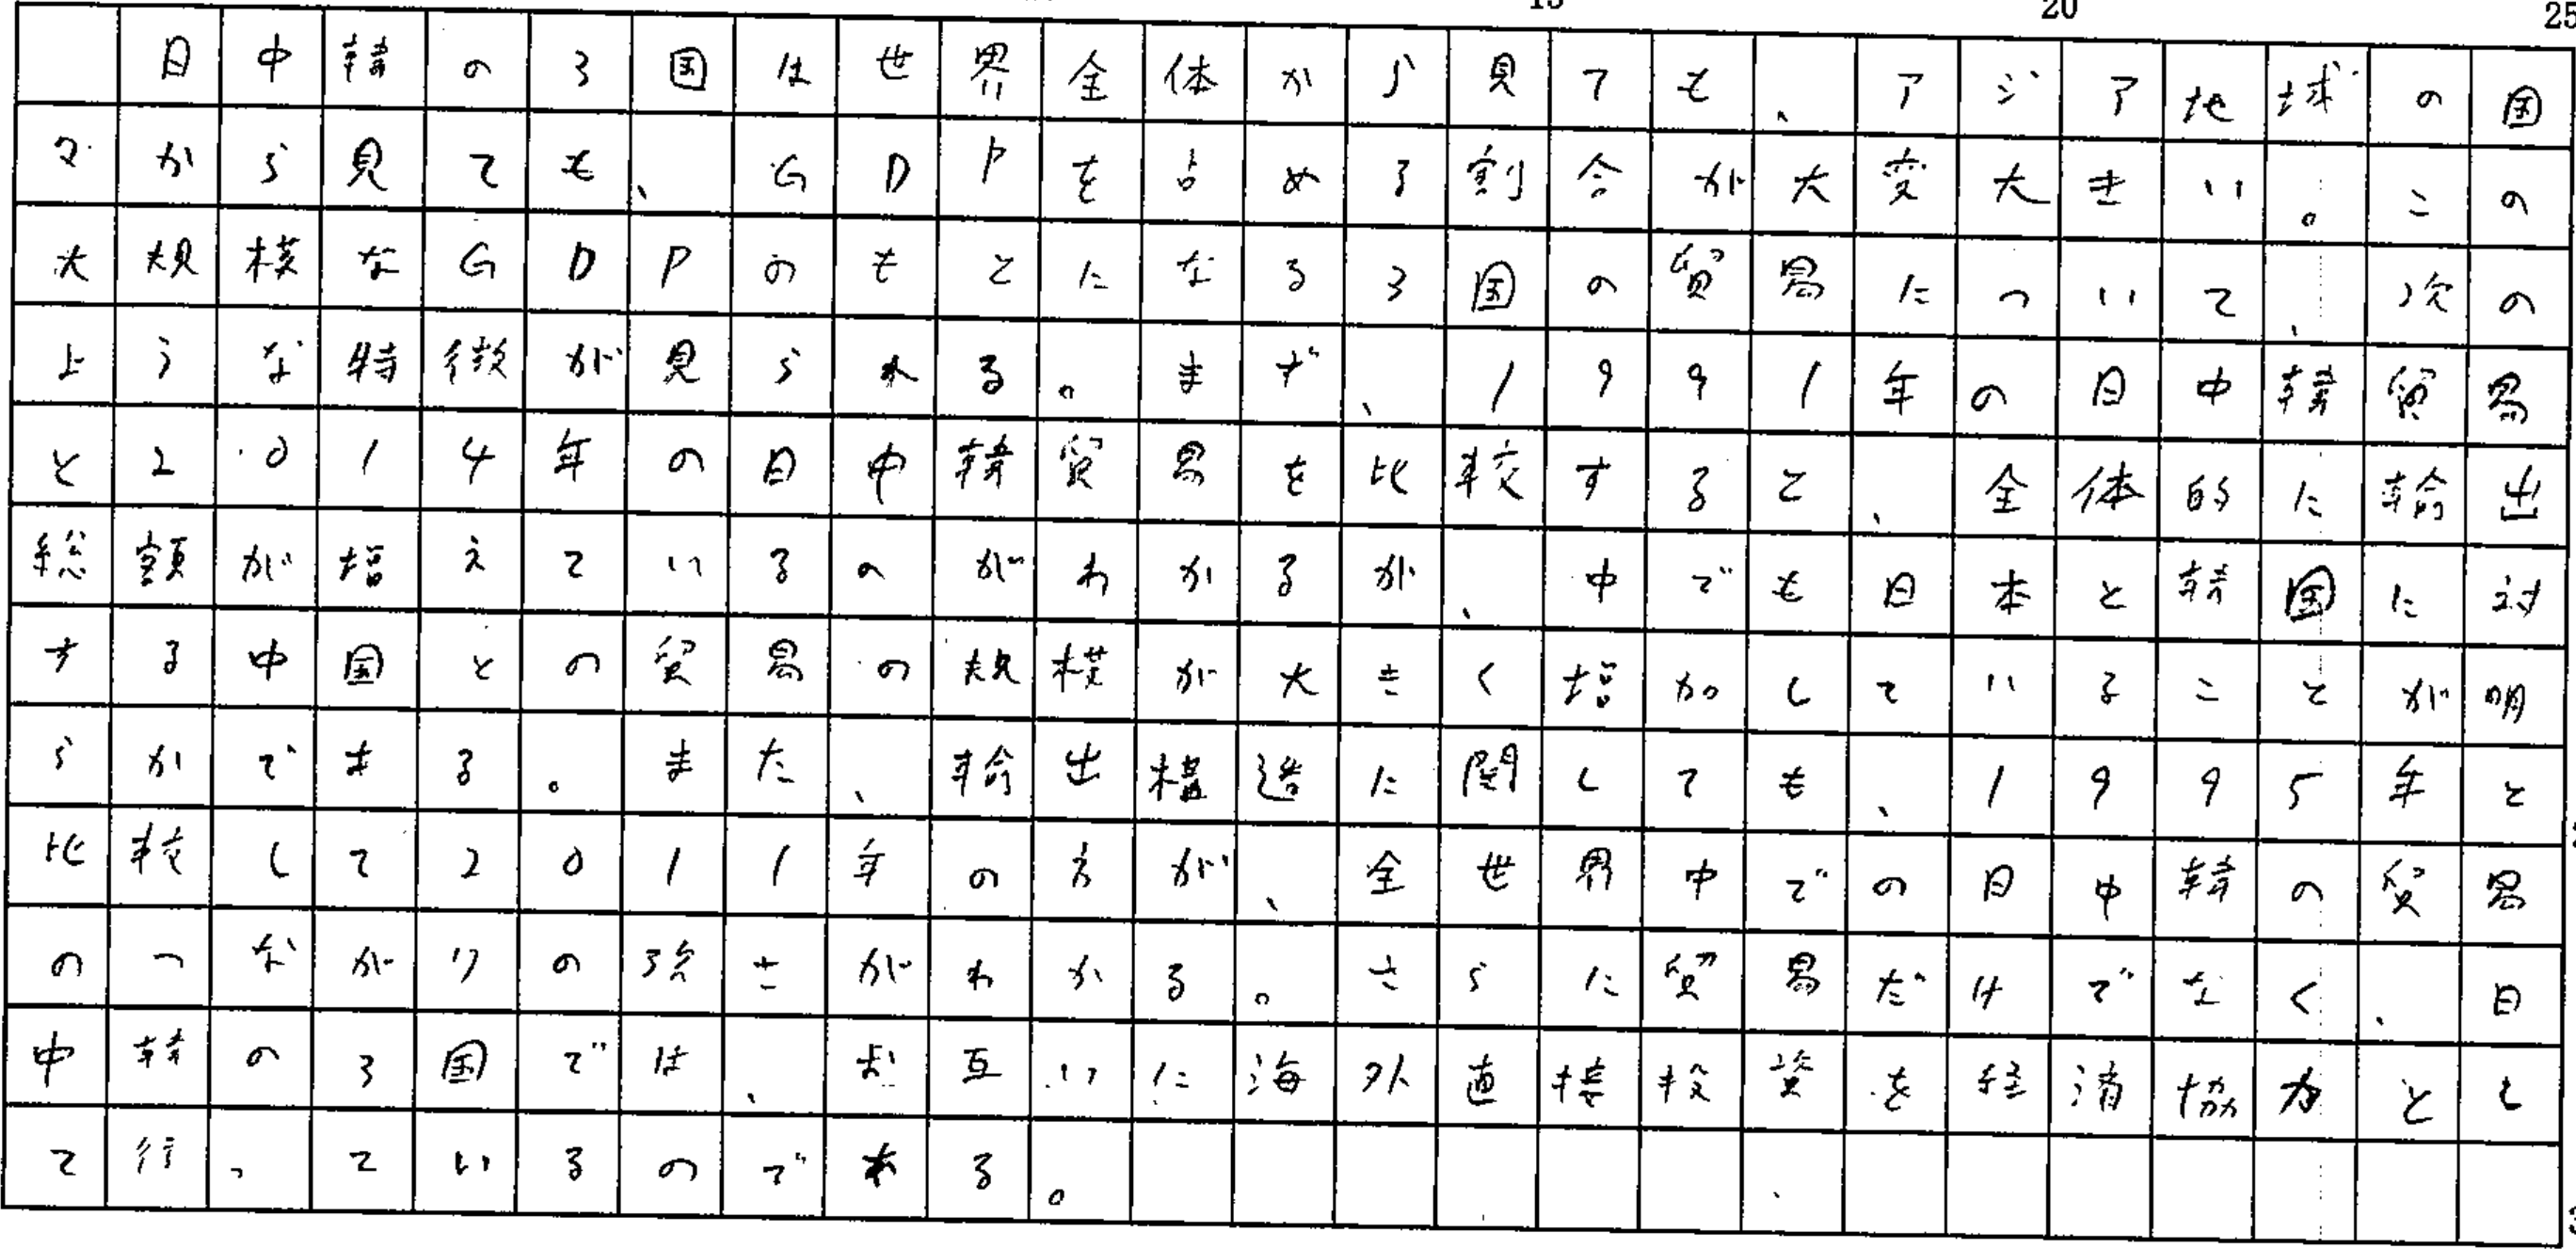　日中韓の３国は世界全体から見ても、アジア地域の国々から見ても、ＧＤＰを占める割合が大変大きい。この大規模なＧＤＰのもとになる３国の貿易について、次のような特徴が見られる。まず、１９９１年の日中韓貿易と２０１４年の日中韓貿易を比較すると、全体的に輸出総額が増えているのがわかるが、中でも日本と韓国に対する中国との貿易の規模が大きく増加していることが明らかである。また、輸出▁造に関しても、１９９５年と比較して２０１１年の方が、全世界中での日中韓の貿易のつながりの強さがわかる。さらに貿易だけでなく、日中韓の３国では、お互いに海外直接投資を経済協力として行っているのである。
